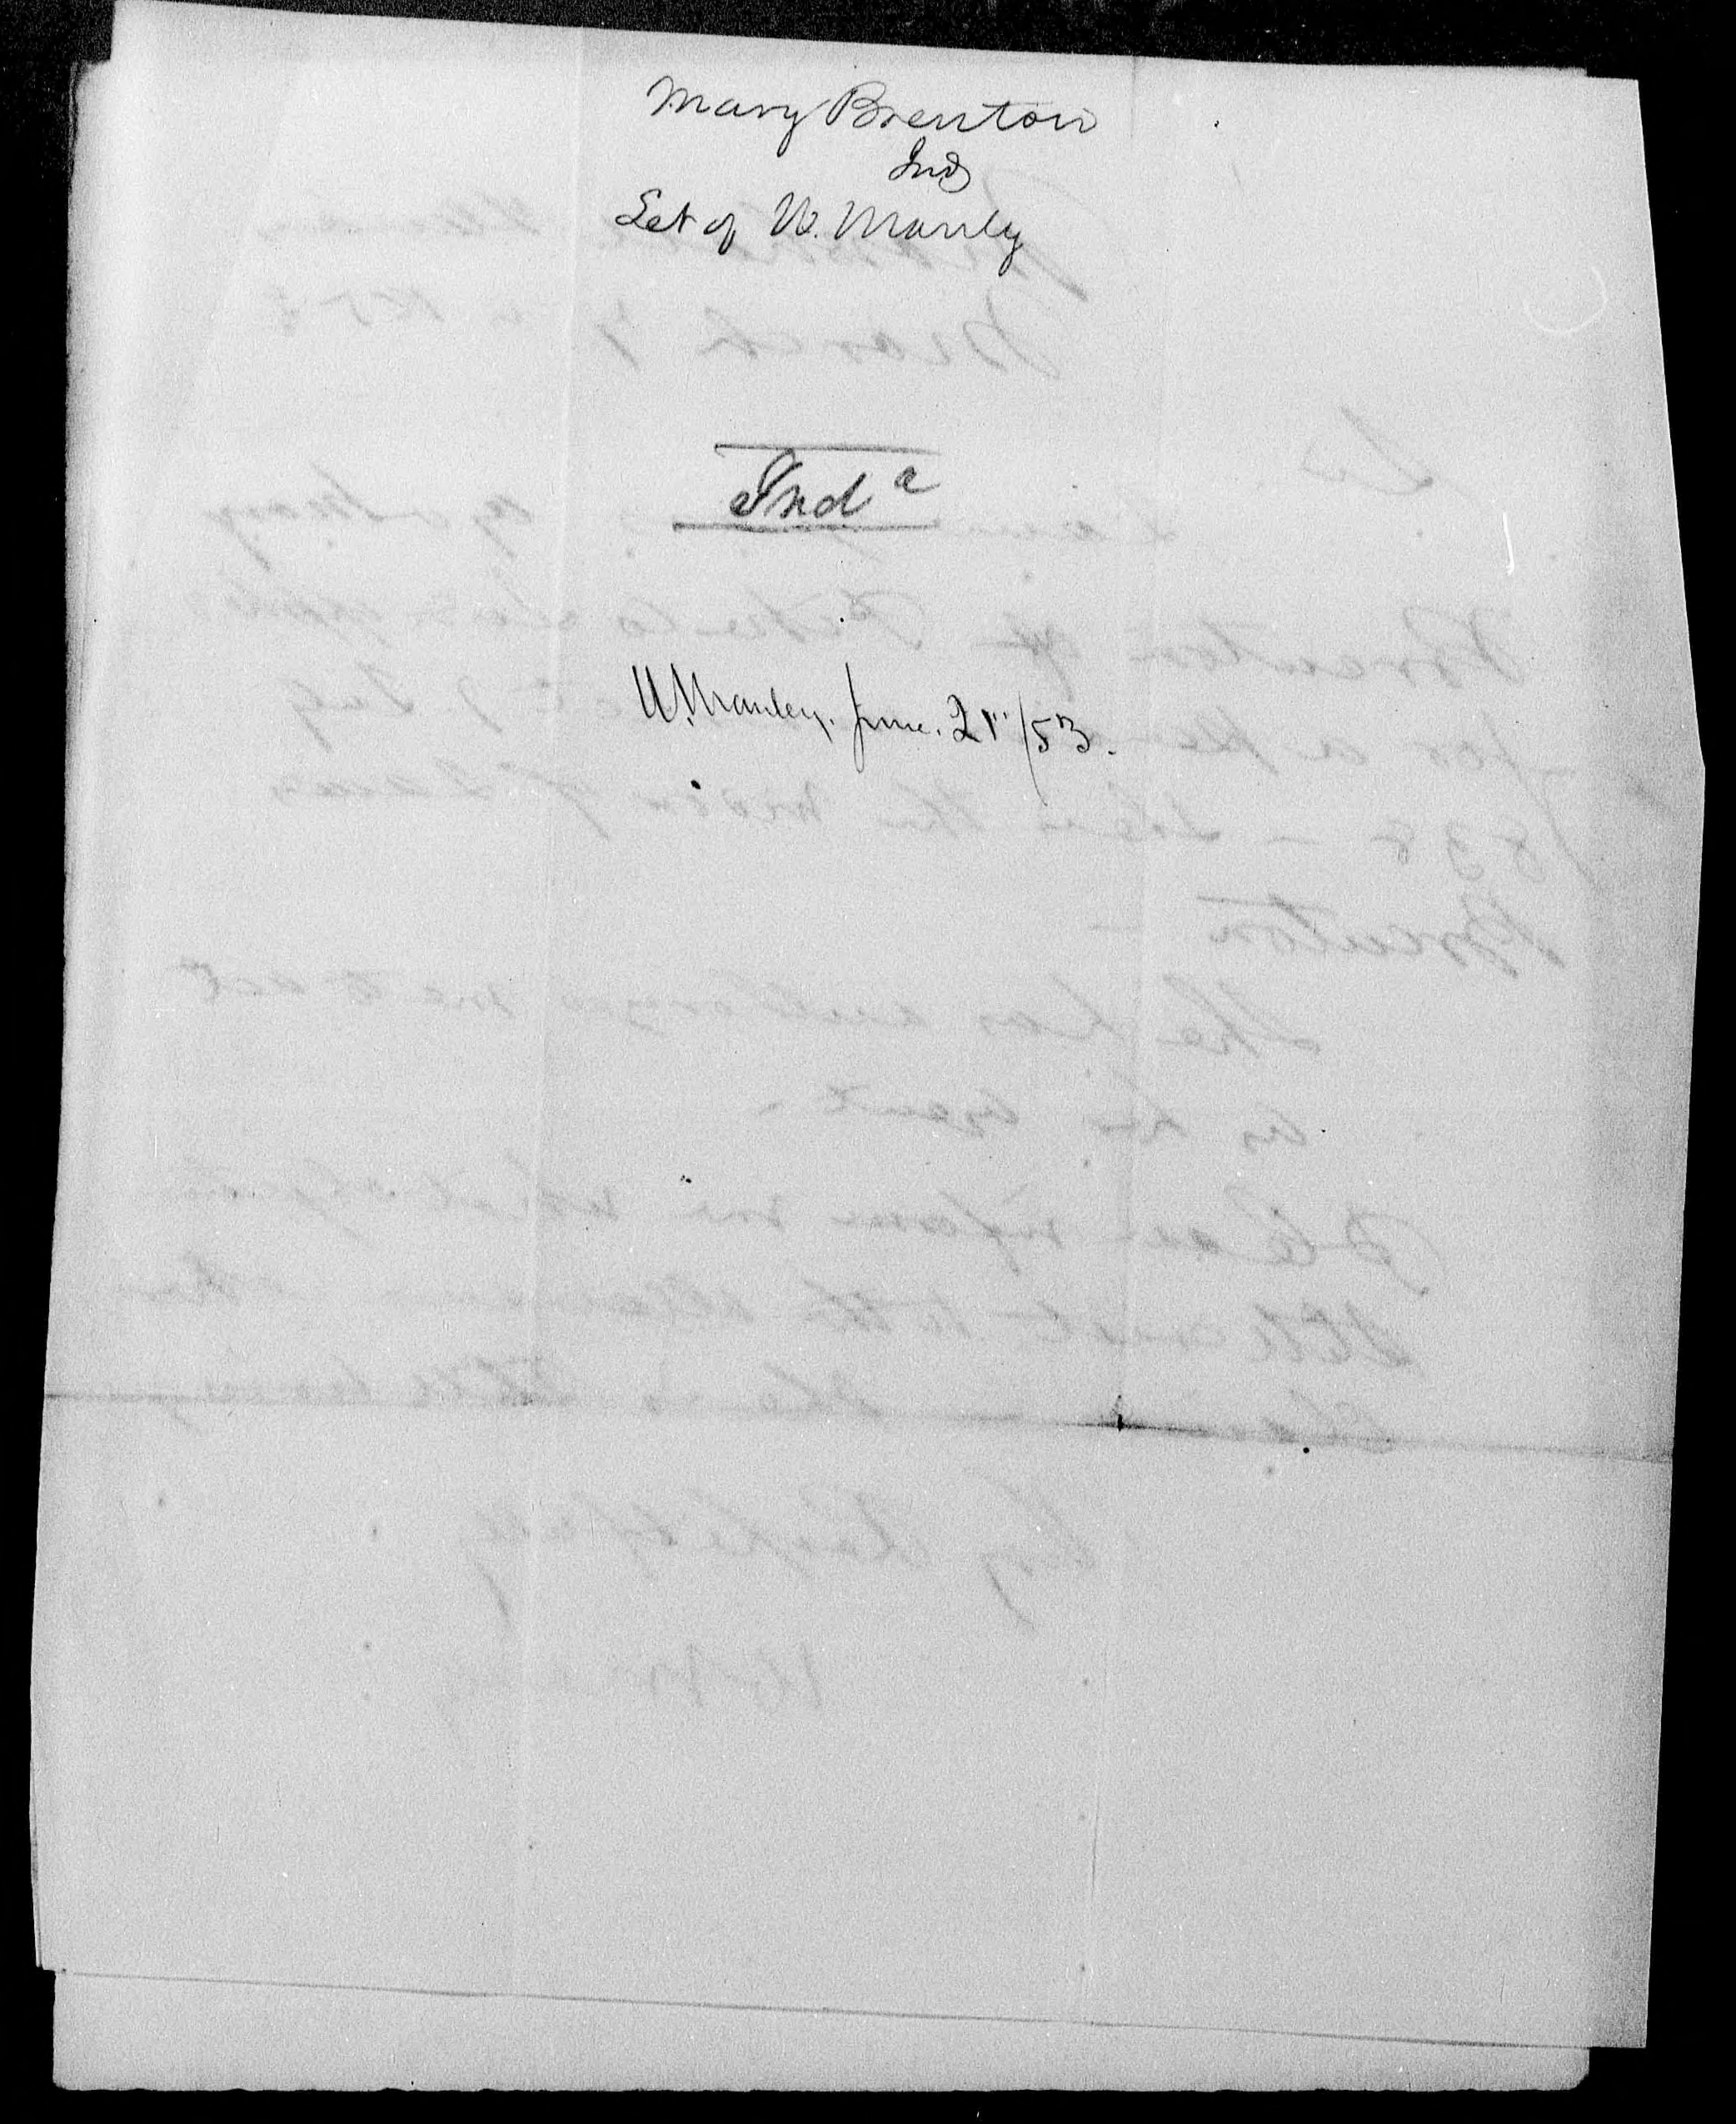Mary Brenton Ind
Let of W Manly
Ind
W Manely, June 21 '53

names: Mary Brenton, W Manly, W Manley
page: 20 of 49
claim: widow's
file: W. 2518, James Brenton, Va.